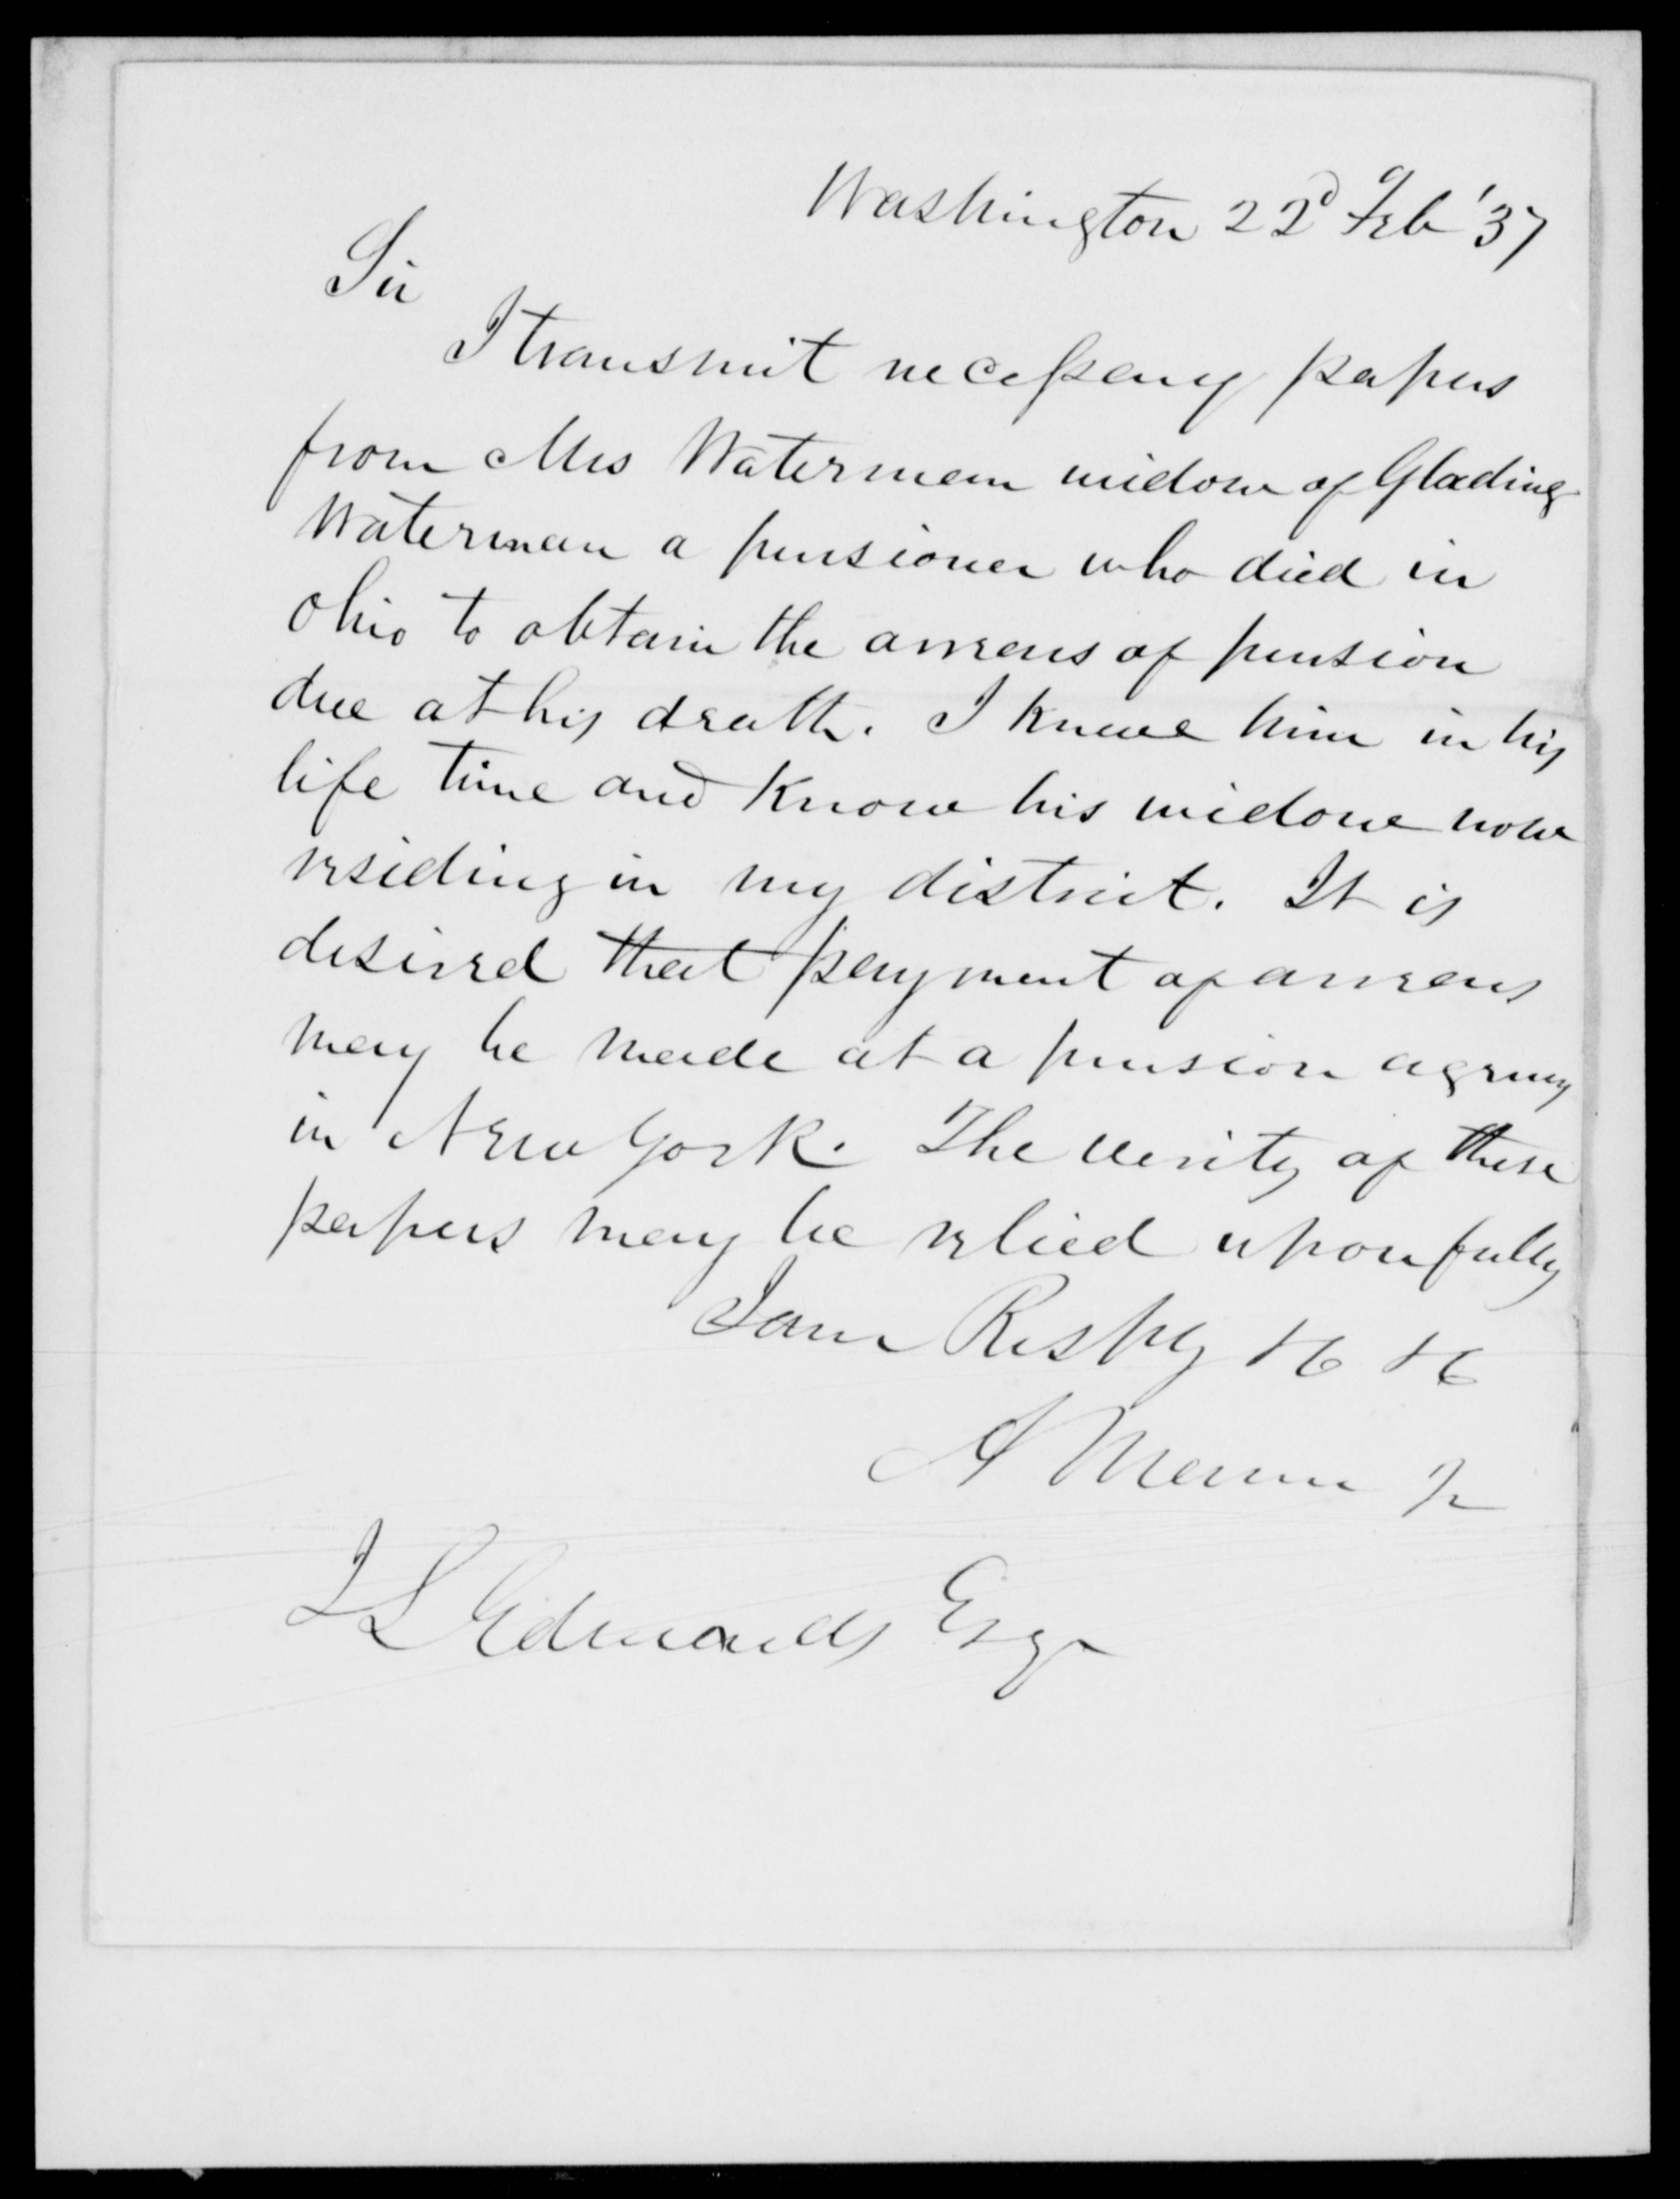Washington 22d Feb '37

Sir

I transmit necessary papers from Mrs. Waterman, widow of Glading Waterman a pensioner who died in Ohio, to obtain the arrears of pension due at his death. I knew him in his life time and know his widow, now residing in my district.  It is desired that payment of arrears may be made at a pension agency in New York. The verity of these papers may be relied upon fully.
James Risby HH

A Mann  Jr
J L Edwards Esq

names: J L Edwards, A Mann, Glading Waterman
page: 37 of 50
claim: widow's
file: W. 15814, Glading Waterman, Conn. Conn. Sea Service Continental